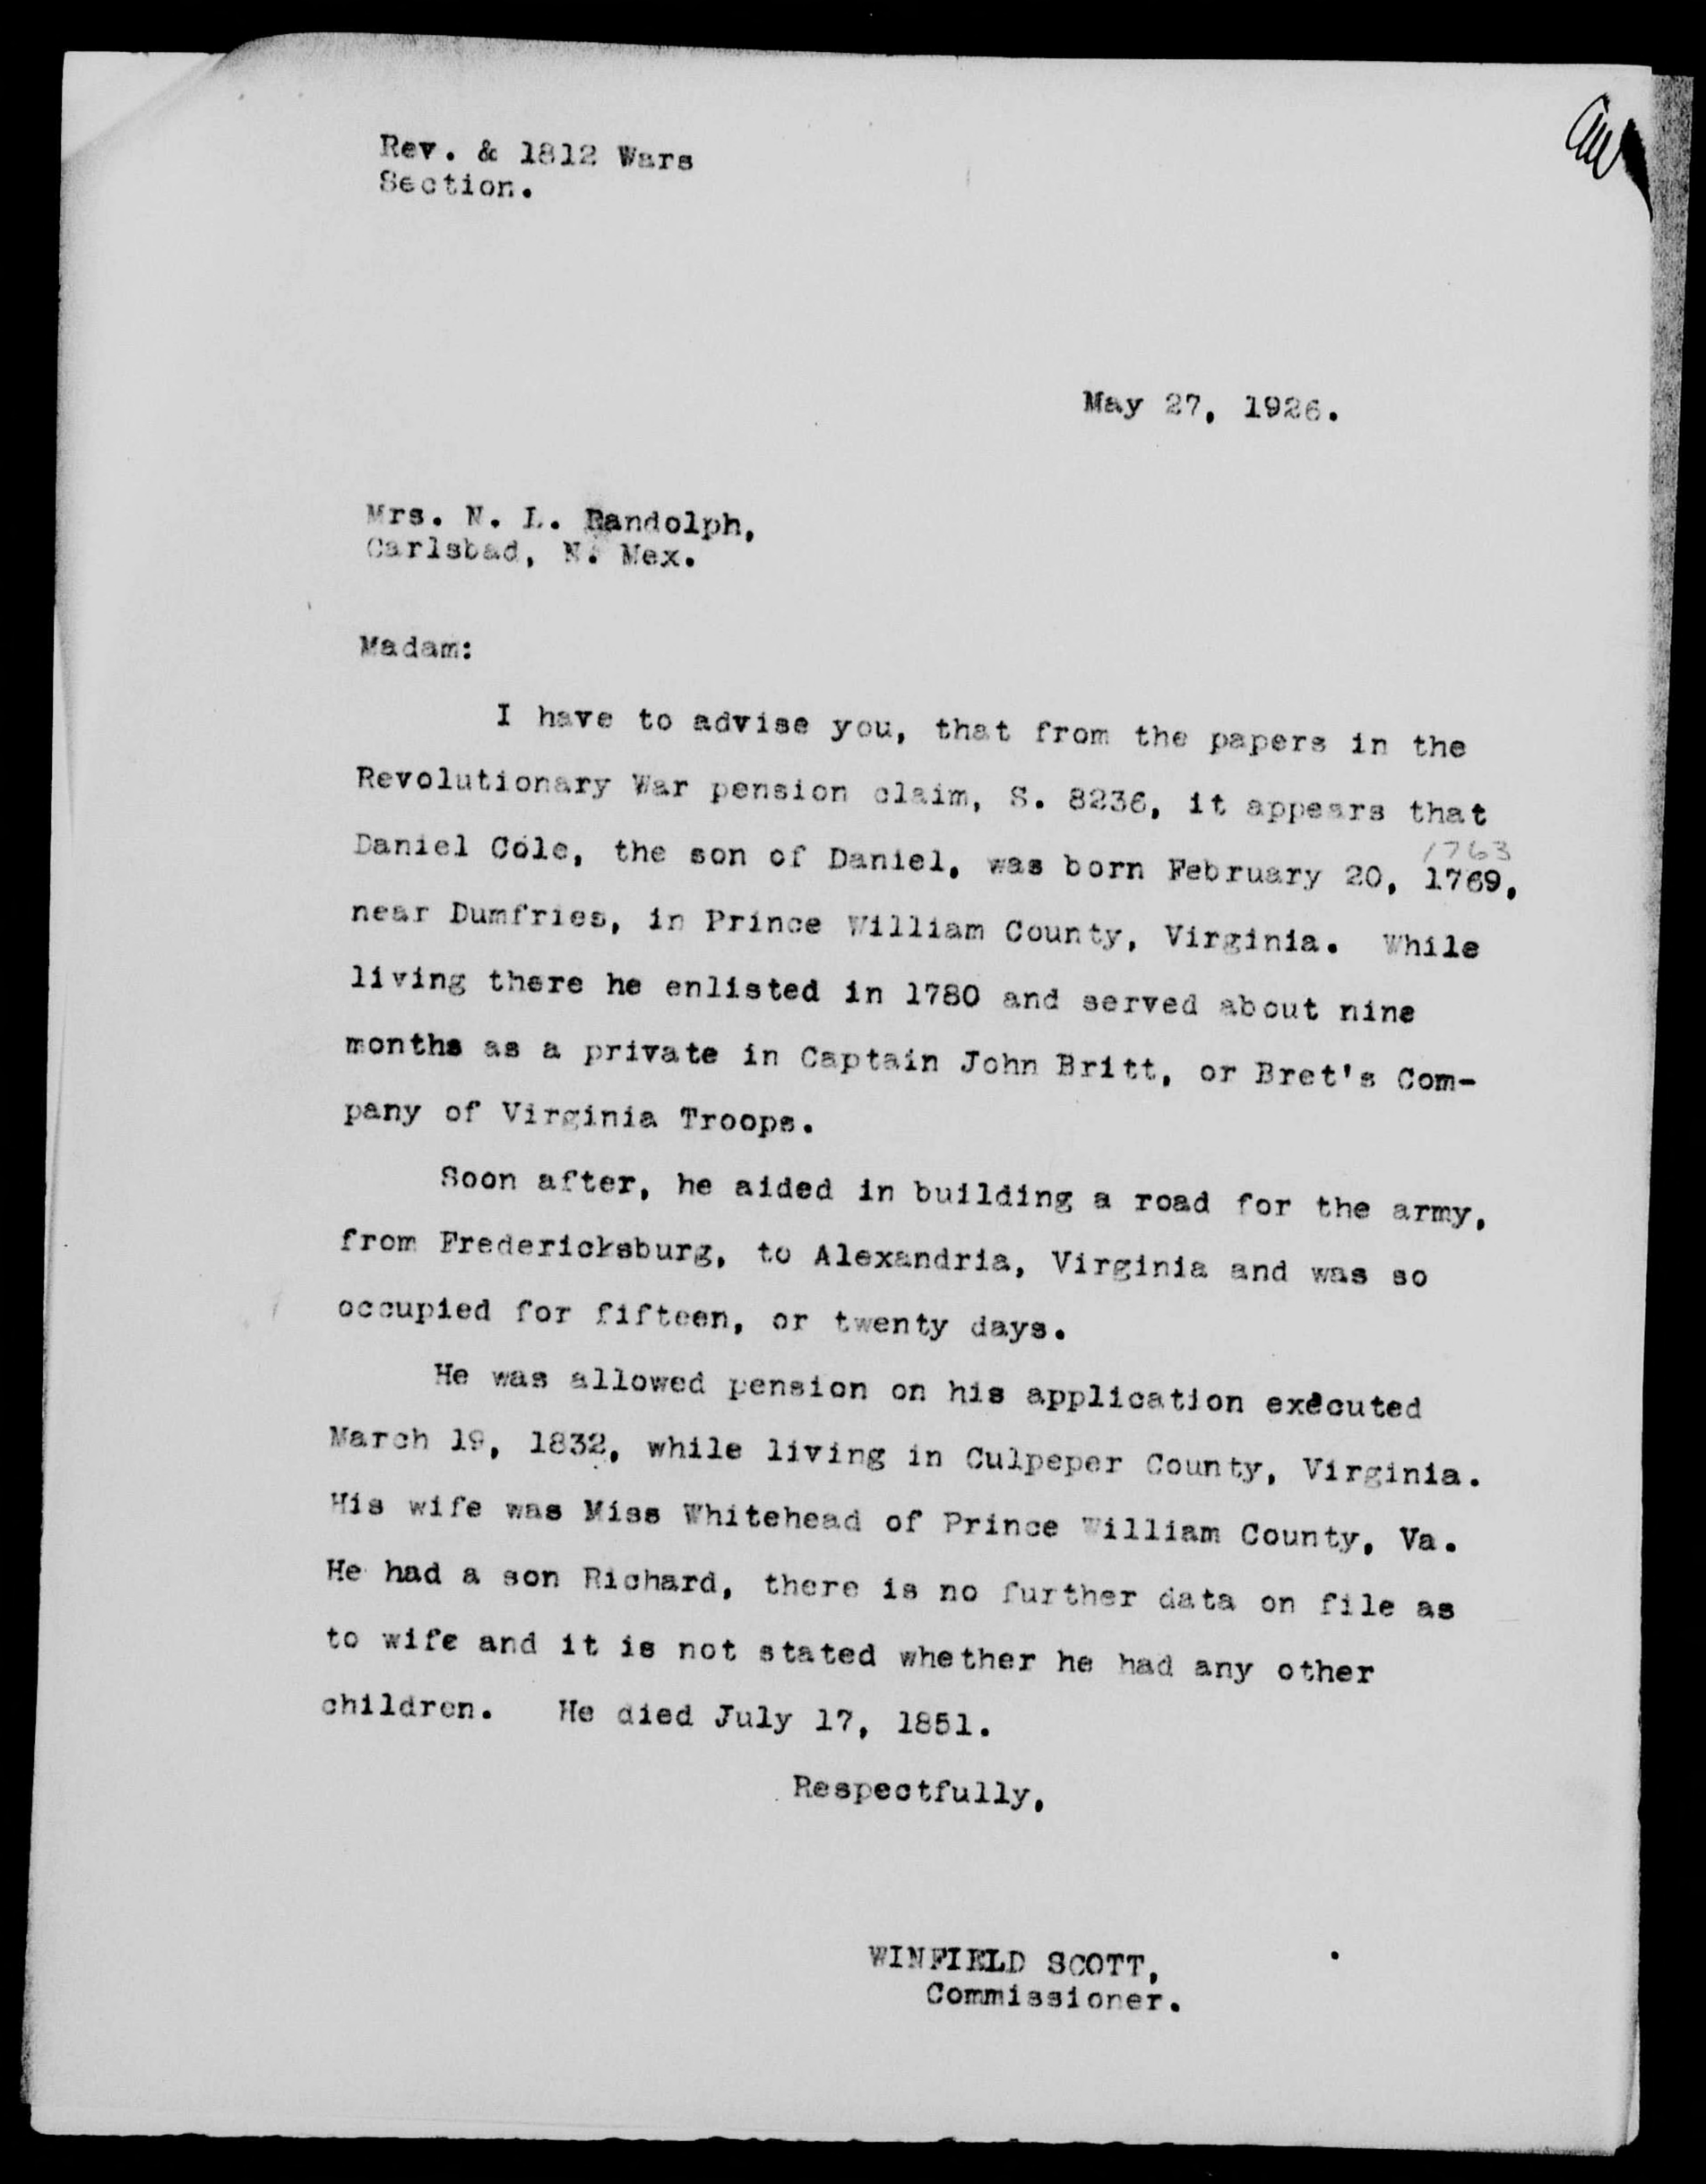Rev. & 1812 Wars
Section.

May 27, 1926. [centered right]

Mrs. N. L. Randolph,
Carlsbad, N. Mex.

Madam:

I have to advise you, that from the papers in the Revolutionary War pension claim, S. 8236, it appears that Daniel Cole, the son of Daniel, was born February 20, 1769, [1763 is handwritten above 1769] near Dumfries, in Prince William County, Virginia. While living there he enlisted in 1780 and served about nine months as a private in Captain John Britt, or Bret's Company of Virginia Troops.

Soon after, he aided in building a road for the army, from Fredericksburg, to Alexandria, Virginia and was so occupied for fifteen, or twenty days.

He was allowed pension on his application executed March 19, 1832, while living in Culpeper County, Virginia. His wife was Miss Whitehead of Prince William County, Va. He had a son Richard, there is no further data on file as to wife and it is not stated whether he had other children. He died July 17, 1851.
Respectfully,

WINFIELD SCOTT,
Commissioner.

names: Richard, Whitehead, Daniel, Winfield Scott, Daniel Cole, N L Randolph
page: 55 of 61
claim: survivor's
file: S. 8236, Daniel Cole, Va.